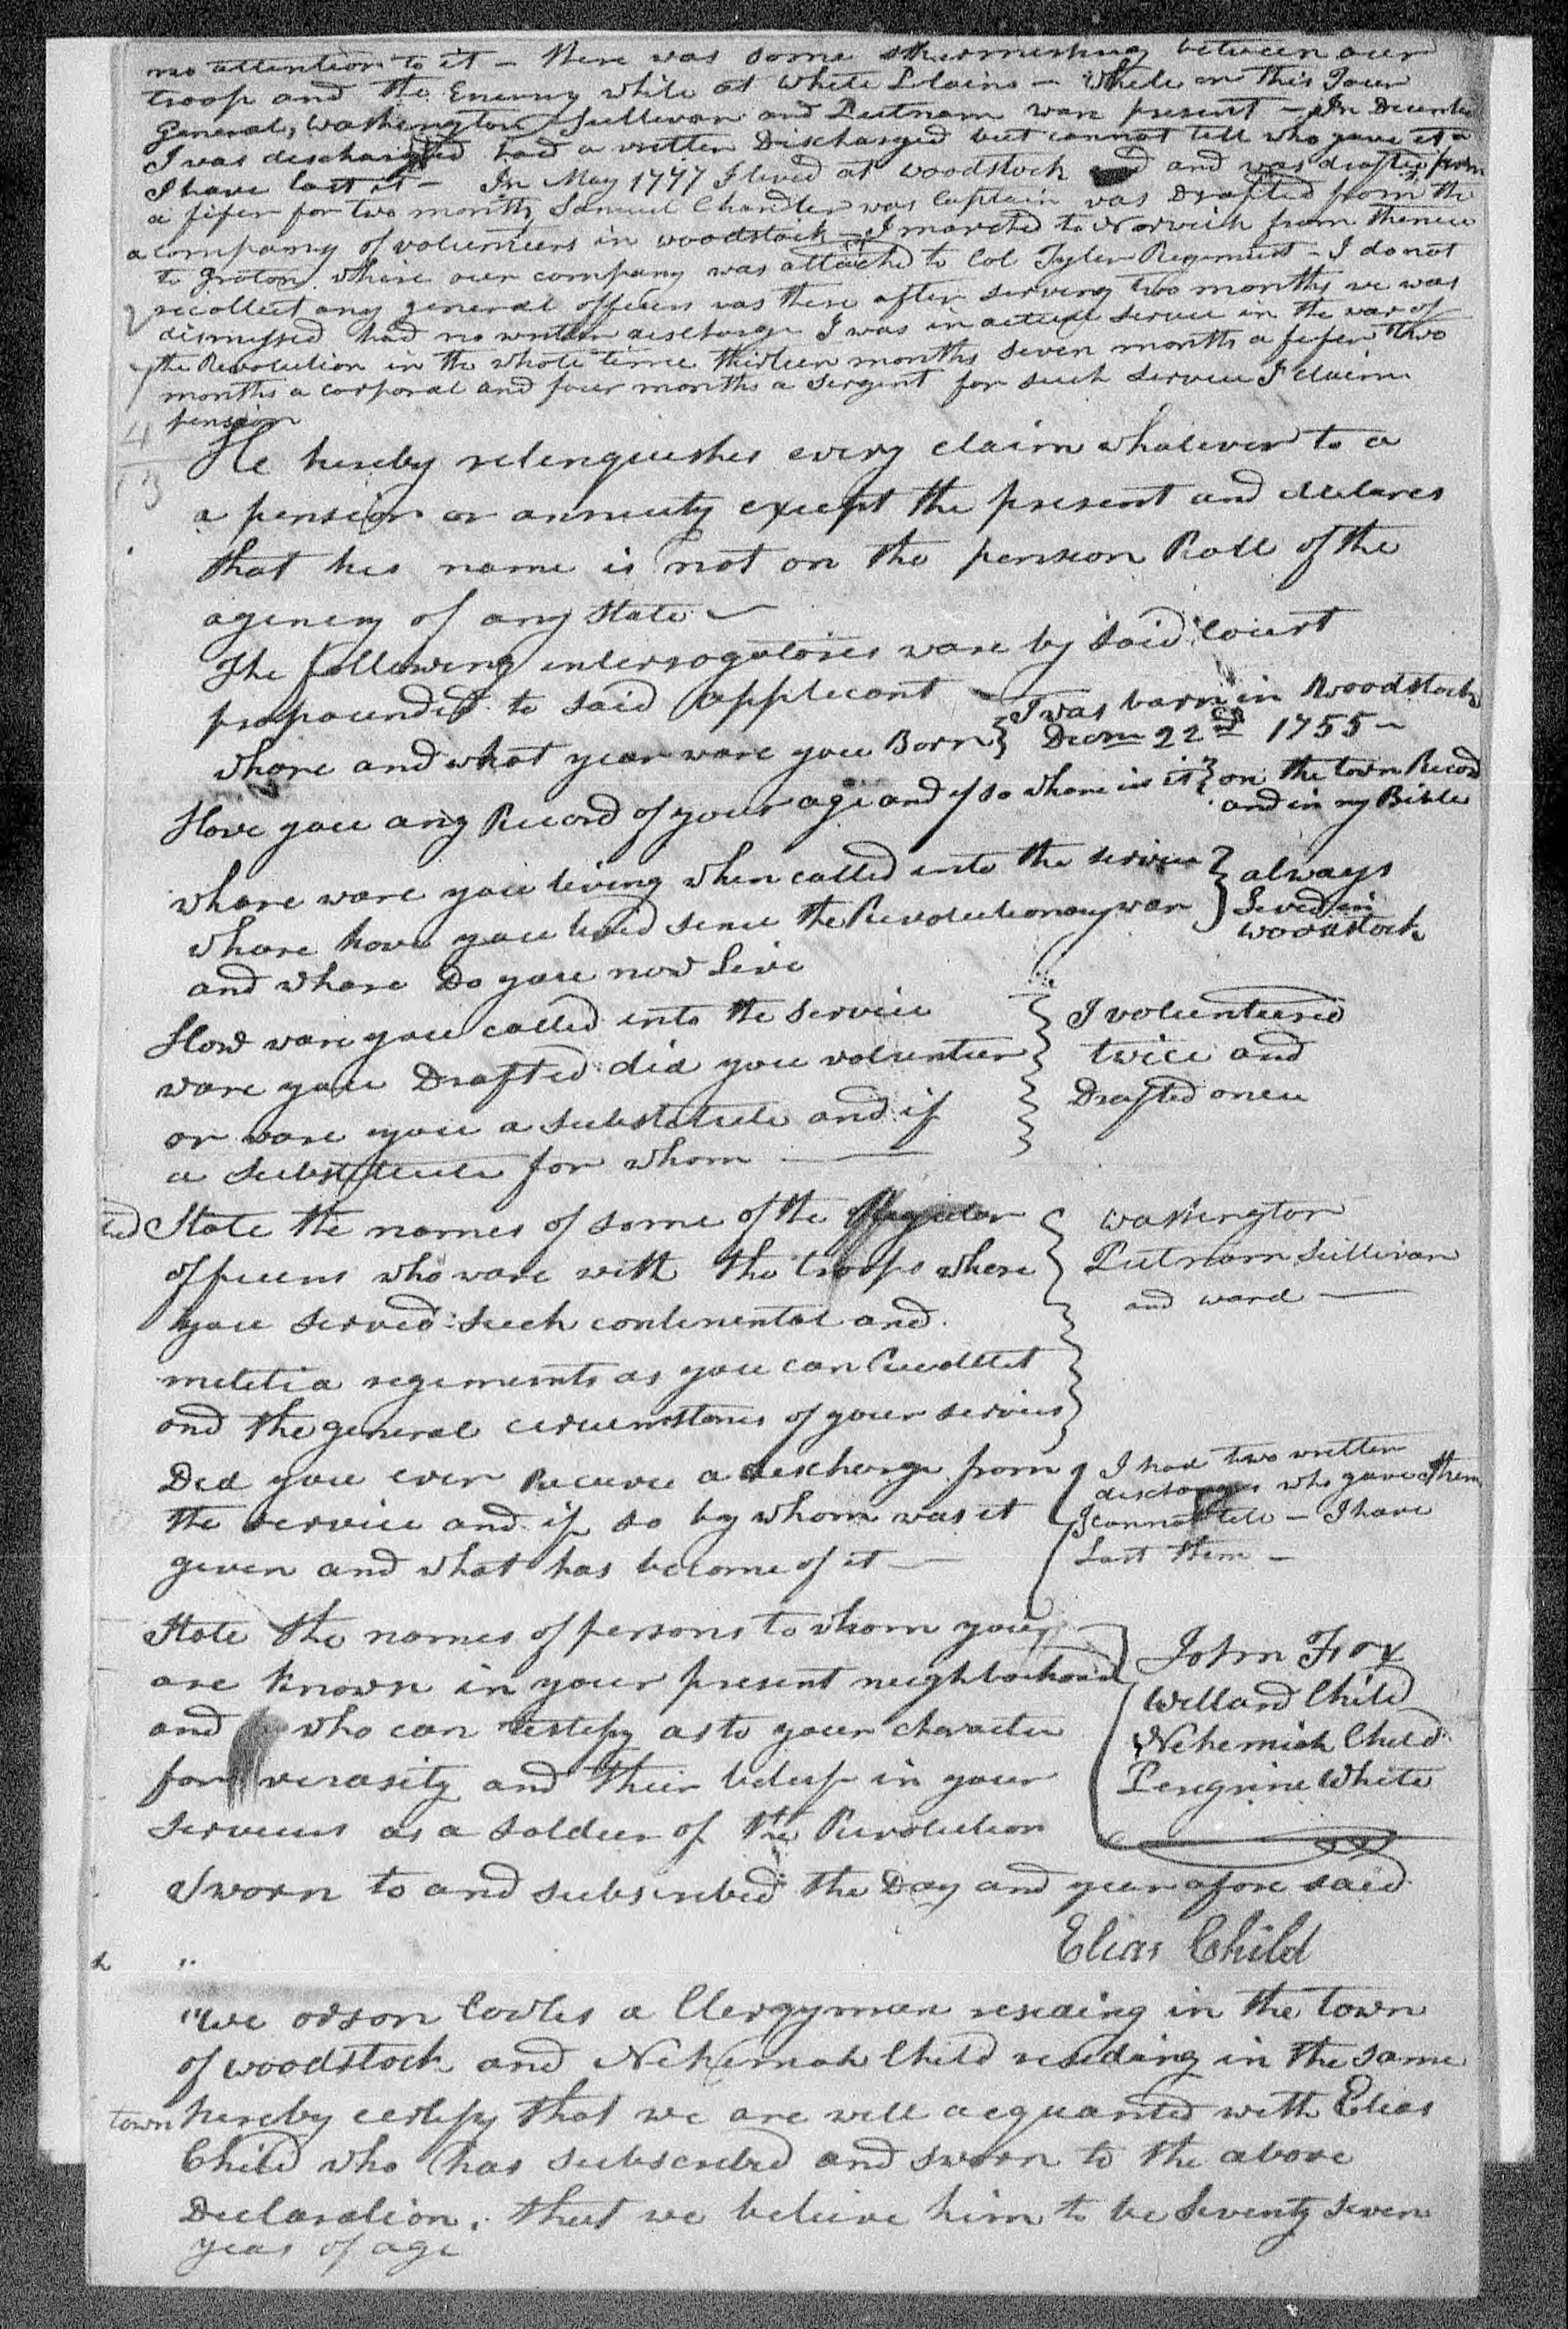no attention to it - There was some remarking between our troop and the enemy while at White Plains - While on this tour General Washington Sullivan and Lieutenant was present - In December I was discharged - I had a written discharge but cannot tell you who gave it & I have lost it.  In May 1777 I lived at Woodsloch and was drafted from a fifer for two month. Samuel Chandler was Captain was drafted from a company of volunteers in Woodsloch - I marched to Norwich from there to Groton where our company was attached to Col Tyler Regiment - I do not recollect any general officers was there -  after serving two months we was dismissed - had no written discharge - I was in active service in the war of the Revolution in the whole time thirteen months seven month a fifer, two months a corporeal and four month a sergeant for such service I claim pension.
He hereby relinquishes every claim whatever to a pension or amount except the present and declares that his name is not on the pension Role of the agency of any State - 
The following interrogatories were by said court propounded to said applicant. 
Where and what year were you born? I was born in Woodsloch Dec 22nd 1755
Have you any record of your age and if so where is it? On the town record and my bible.
Where were you living when called into service? Where have you lived since the Revolutionary War and where do you now live? Always lived in Woodsloch
How ere you called into the service? Were you drafted ? Did you volunteer or were you substitute and if a substitute for whom? I volunteered twice and was drafted once.
State the names of some of the regiment officers who were with the troops where you served such continental militia regiments as you can recollect and the general circumstances of your services? Washington, Putnum, Sullivan, and Ward
Did you ever receive a discharge from the service and if so by whom was it given and what has become of it? I have two written discharges, who gave them I cannot tell, I have lost them.
Role the names of persons to whom you are known in your present neighborhood and who can testify as to your character for veracity and their belief in your services as a soldier of the Revolution? John Fox, Willard Child, Nehemiah Child, Peregrine White.  
Sworn to and subscribed the day and year aforesaid. Elias Child
"We Orson Cowles a Clergyman residing in the town of Woodstock and Nehemiah Child residing in the same town hereby certify that we are well acquainted with Elias Child who has subscribed and sworn to the above declaration that we believe him to be seventy seven years of age."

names: Elias Child, Willard Child, Washington, Elias Child, Putnam, Sullivan, Nehemah Child, Nehemiah Child, Samuel Chandler, Peregrine White, Ward, Putnam Ware, Washington Sullivan, John Fox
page: 13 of 34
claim: survivor's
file: S. 31,605, Elias Child, Conn.